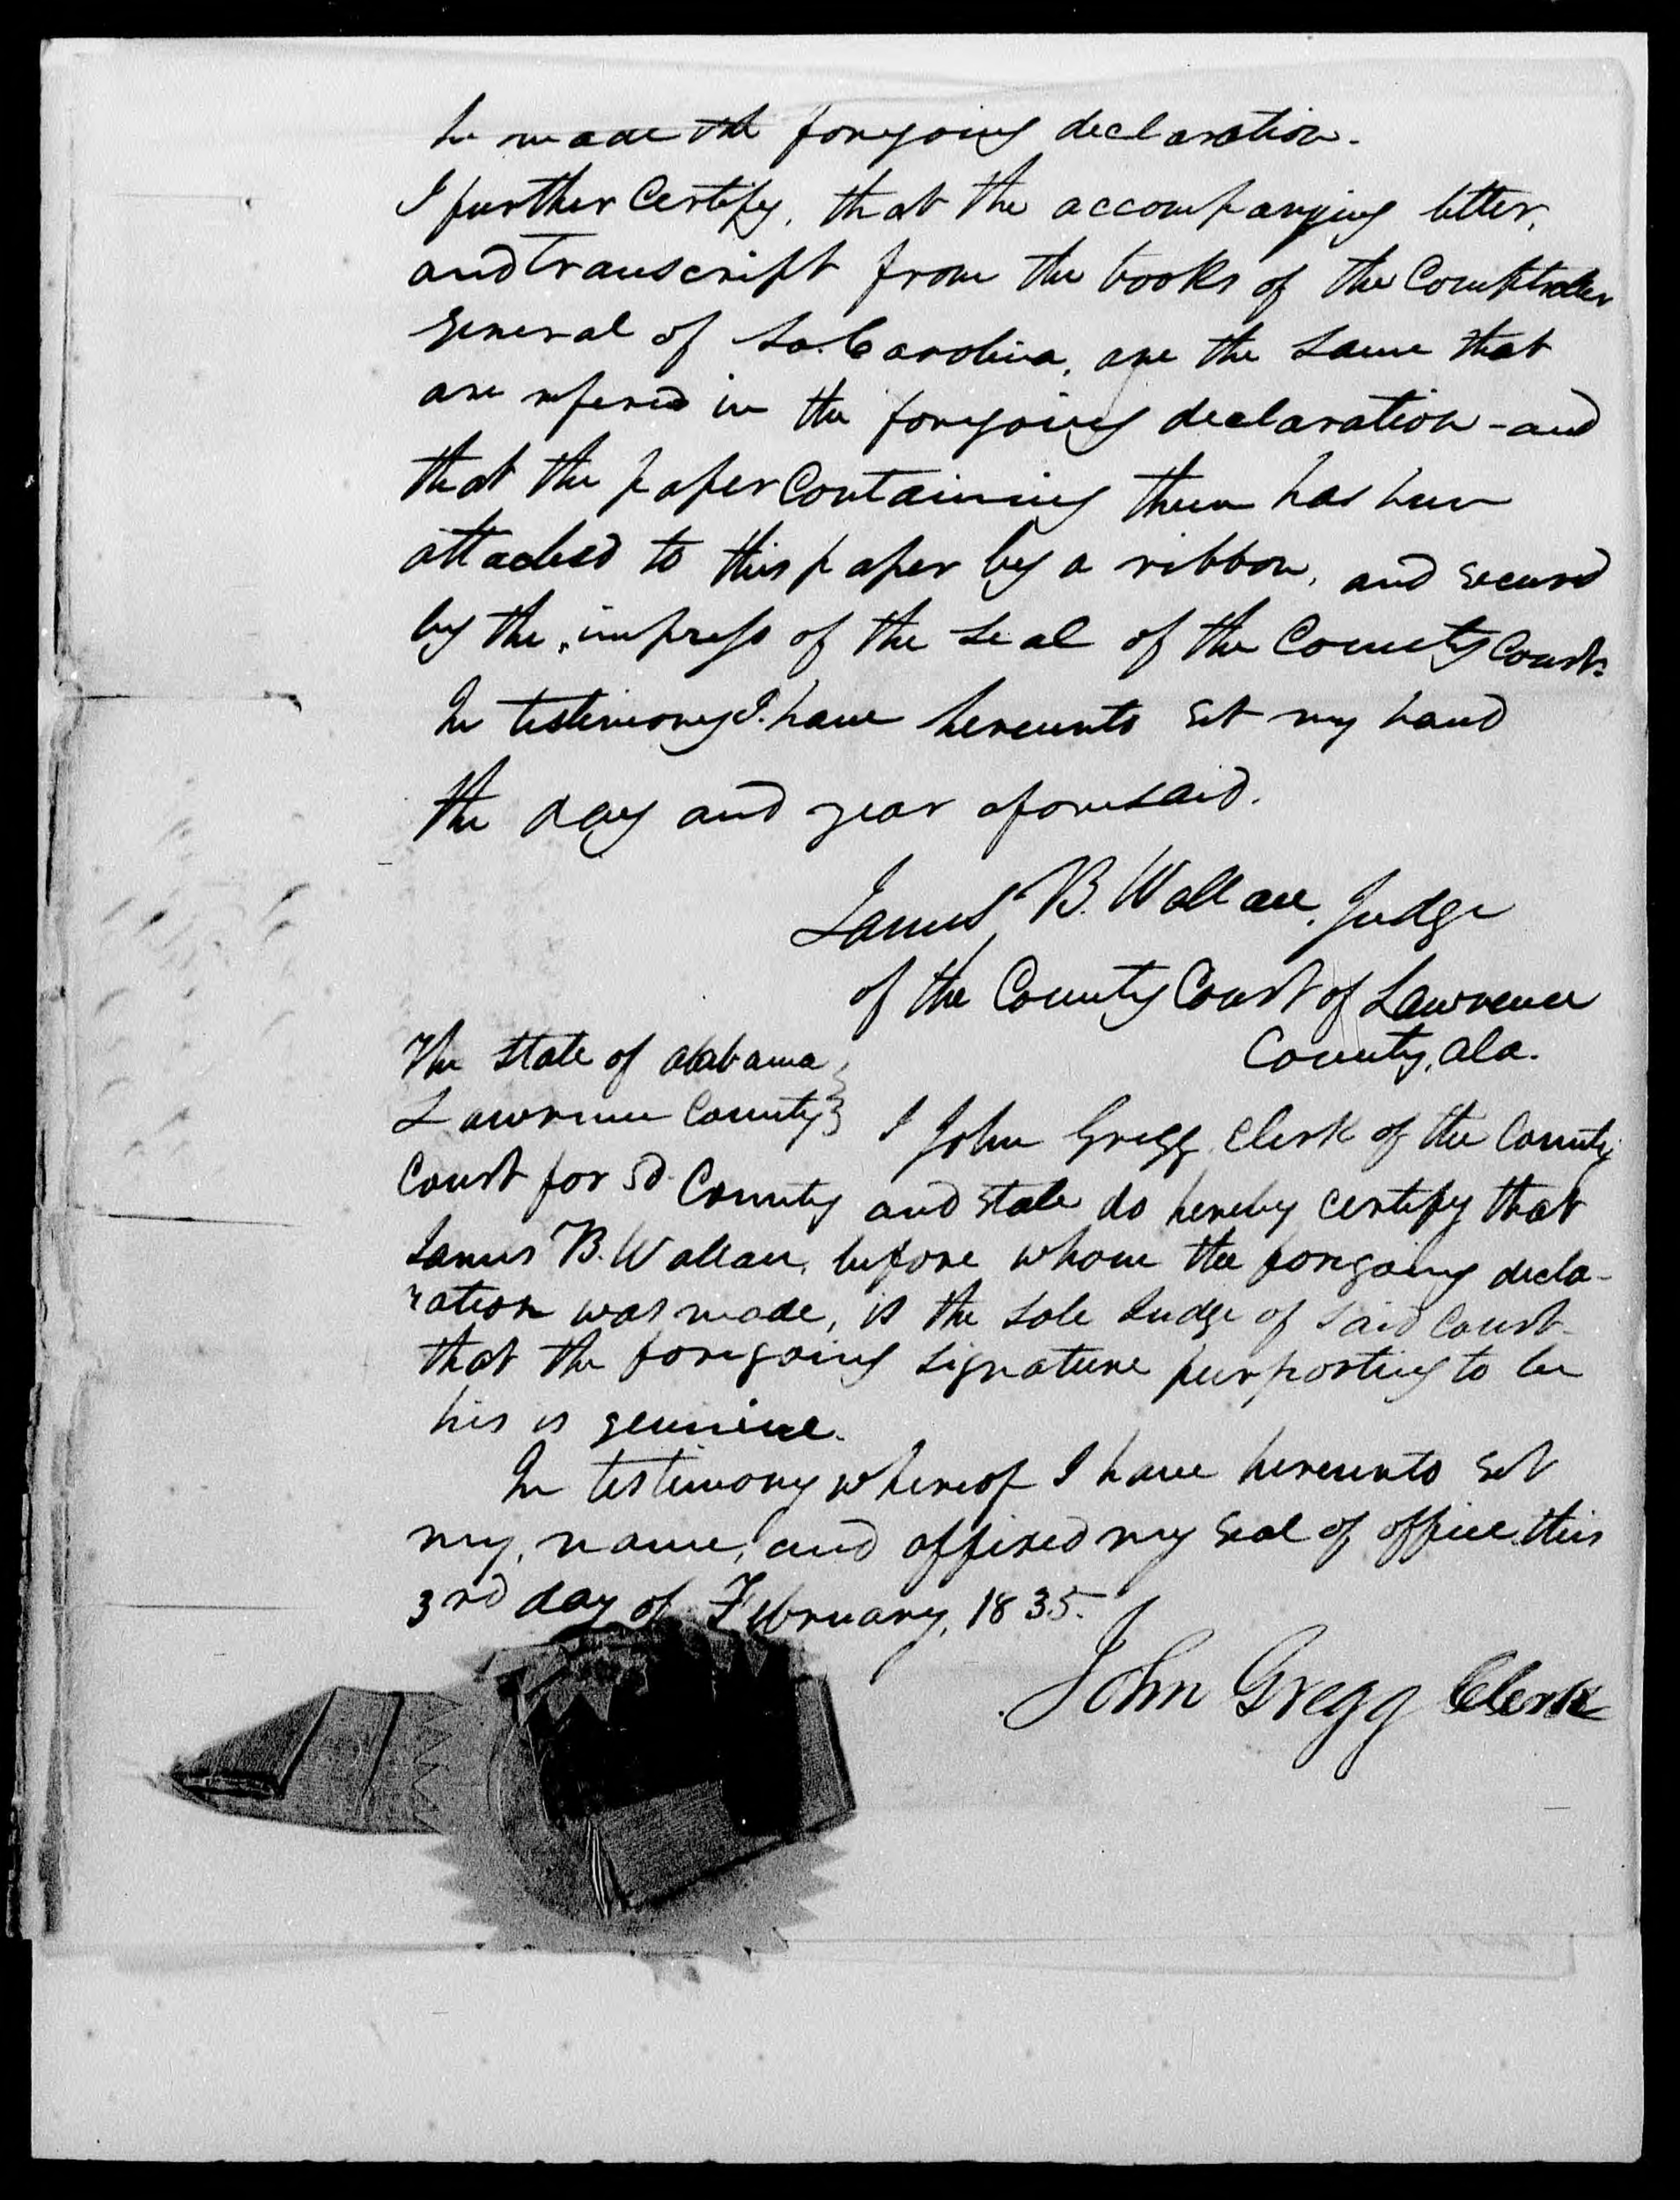he made the foregoing declaration
I further certify, that the accompanying letter
and transcript from the books of the Comptroller
General of So. Carolina are the same that
are refered in the foregoing declaration and
that the paper containing them has been
attached to this paper by a ribbon, and secured
by the impress of the seal of the County Court
In testimony I have hereunto set my hand
the day and year aforesaid
James B. Wallace Judge
of the County Court of Lawrence
County, Ala.

The State of Alabama ⎬
Lawrence County ⎬
I John Gregg Clerk of the County
Court for sd County and State do hereby certify that
James B. Wallan before whom the foregoing declaration was made, is the sole Judge of said Court
that the foregoing signature purporting to be
his is genuine
In testimony whereof I have hereunto set
my name and affixed my seal of office this
3rd day of February, 1835.
John Gregg Clerk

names: John Gregg, James B Wallace, John Gregg, James B Wallace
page: 13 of 72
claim: widow's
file: W. 897, Thomas Broughton, S.C.